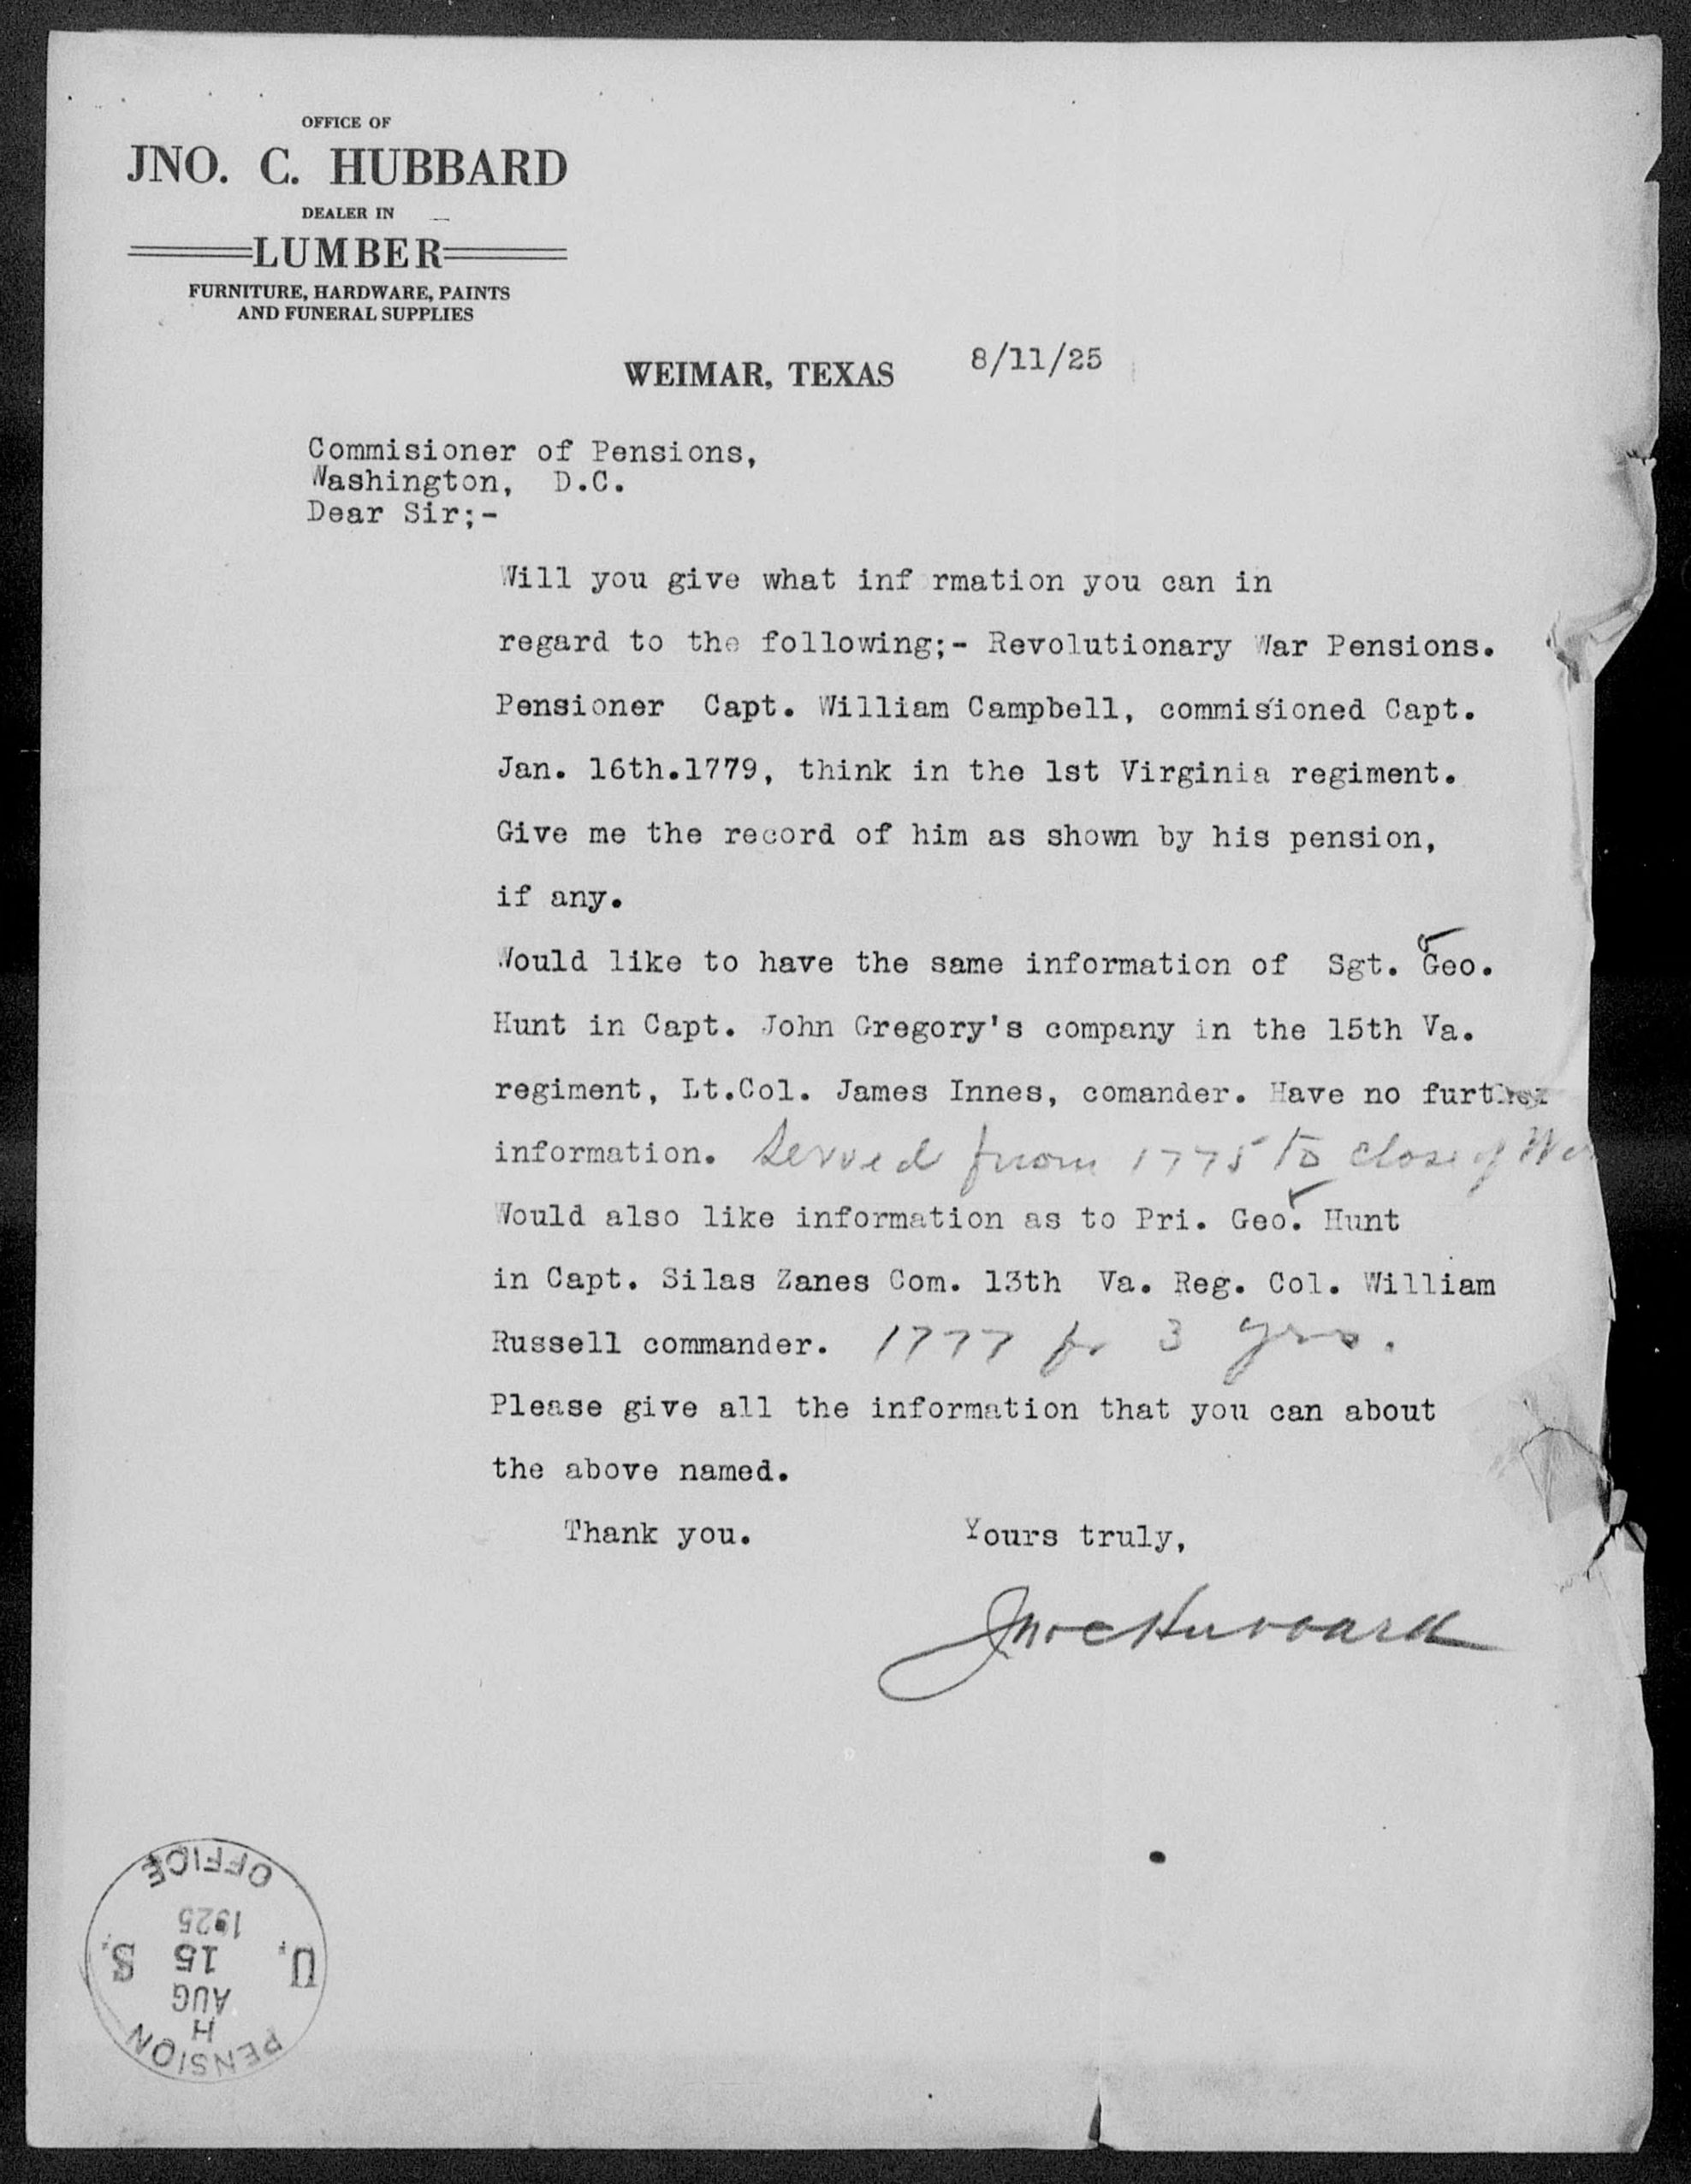[header]
OFFICE OF
JNO. C. HUBBARD
DEALER IN
LUMBER
FURNITURE, HARDWARE, PAINTS
AND FUNERAL SUPPLIES
WEIMAR, TEXAS

[typed body]
8/11/25
Commissioner of Pensions,
Washington, D.C.
Dear Sir;-
Will you give me what information you can in regard to the following;- Revolutionary War Pensions. Pensioner Capt. William Campbell, commisioned Capt. Jan. 16th.1779, think in the last Virginia regiment. Give me the record of him as shown by his pension, if any.
Would like to have the same information of Sgt. Geo. Hunt in Capt. John Gregory's company in the 15th Va. regiment, Lt.Col. James Innes, comander. Have no further information. [pencil: Served from 1775 to close of War]
Would also like information as to Pri. Geo. Hunt in Capt. Silas Zanes Com. 13th Va. Reg. Col. William Russell commander. [pencil: 1777 for 3 yrs.]
Please give all the information that you can about the above named.
Thank you.
Yours truly,
Jno C Hubbard

[stamp]
PENSION
H
AUG
U. 15 S.
1925
OFFICE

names: Geo Hunt, Jno C Hubbard, Jno C Hubbard, William Russell, Geo Hunt, William Campbell, James Innes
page: 154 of 267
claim: widow's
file: W. 4,149, William Campbell, Va.